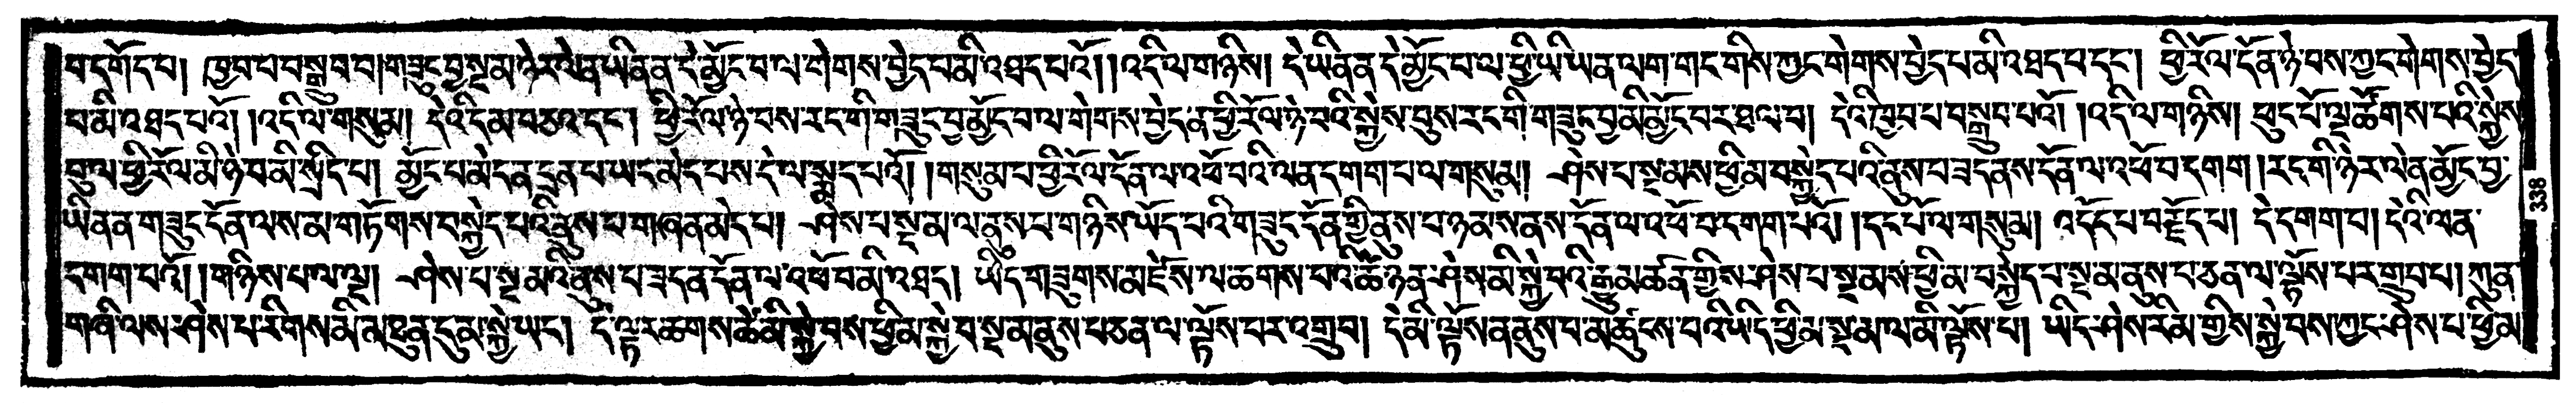བ་དགོད་པ། ཁྱབ་པ་བསྒྲུབ་པ། གཟུང་བྱ་སྔ་མ་ཉེར་ལེན་ཡིན་ན་དེ་མྱོང་བ་ལ་གེགས་བྱེད་པ་མི་འཐད་པའོ། །འདི་ལ་གཉིས། དེ་ཡིན་ན་དེ་མྱོང་པ་ལ་ཕྱི་ཡི་ཡན་ལག་གང་གིས་ཀྱང་གེགས་བྱེད་པ་མི་འཐད་པ་དང་། ཕྱི་རོལ་དོན་ཉེ་བས་ཀྱང་གེགས་བྱེད་
པ་མི་འཐད་པའོ། །འདི་ལ་གསུམ། དེའི་དམ་བཅའ་དང་། ཕྱི་རོལ་ཉེ་བས་རང་གི་གཟུང་བྱ་མྱོང་བ་ལ་གེགས་བྱེད་ན་ཕྱི་རོལ་ཉེ་བའི་སྐྱེས་བུས་རང་གི་གཟུང་བྱ་མི་མྱོང་བར་ཐལ་བ། དེའི་ཁྱབ་པ་བསྒྲུབ་པའོ། །འདི་ལ་གཉིས། ཕུང་པོ་ལྔ་ཚོགས་པའི་སྐྱེས་
བུ་ལ་ཕྱི་རོལ་མི་ཉེ་བ་མི་སྲིད་པ། མྱོང་པ་མེད་ན་དྲན་པ་ཡང་མེད་པས་དེ་ལ་སྨད་པའོ། །གསུམ་པ་ཕྱི་རོལ་དོན་ལ་འཕོ་བའི་ལན་དགག་པ་ལ་གསུམ། ཤེས་པ་སྔ་མས་ཕྱི་མ་བསྐྱེད་པའི་ནུས་པ་ཟད་ནས་དོན་ལ་འཕོ་བ་དགག །རང་གི་ཉེར་ལེན་མྱོང་བྱ་
ཡིན་ན་གཟུང་དོན་ལས་མ་གཏོགས་བསྐྱེད་པའི་ནུས་པ་གཞན་མེད་པ། ཤེས་པ་སྔ་མ་ལ་ནུས་པ་གཉིས་ཡོད་པའི་གཟུང་དོན་གྱི་ནུས་པ་ཉམས་ནས་དོན་ལ་འཕོ་བ་དགག་པའོ། །དང་པོ་ལ་གསུམ། འདོད་པ་བརྗོད་པ། དེ་དགག་པ། དེའི་ལན་
དགག་པའོ། །གཉིས་པ་ལ་ལྔ། ཤེས་པ་སྔ་མའི་ནུས་པ་ཟད་ན་དོན་ལ་འཕོ་བ་མི་འཐད། ཡིད་གཟུགས་མཛེས་ལ་ཆགས་པའི་ཚེ་ཉན་ཤེས་མི་སྐྱེ་བའི་རྒྱུ་མཚན་གྱིས་ཤེས་པ་སྔ་མས་ཕྱི་མ་བསྐྱེད་པ་སྔ་མ་ནུས་པ་ཅན་ལ་ལྟོས་པར་གྲུབ་པ། ཀུན་
གཞི་ལས་ཤེས་པ་རིགས་མི་མཐུན་དུ་མ་སྐྱེ་ཡང་། དེ་ལྟར་ཆགས་ཚེ་མི་སྐྱེ་བས་ཕྱི་མ་སྐྱེ་བ་སྔ་མ་ནུས་པ་ཅན་ལ་ལྟོས་པར་འགྲུབ། དེ་མི་ལྟོས་ན་ནུས་པ་མཚུངས་པའི་ཡིད་ཕྱི་མ་སྔ་མ་ལ་མི་ལྟོས་པ། ཡིད་ཤེས་རིམ་གྱིས་སྐྱེ་བས་ཀྱང་ཤེས་པ་ཕྱི་མ་